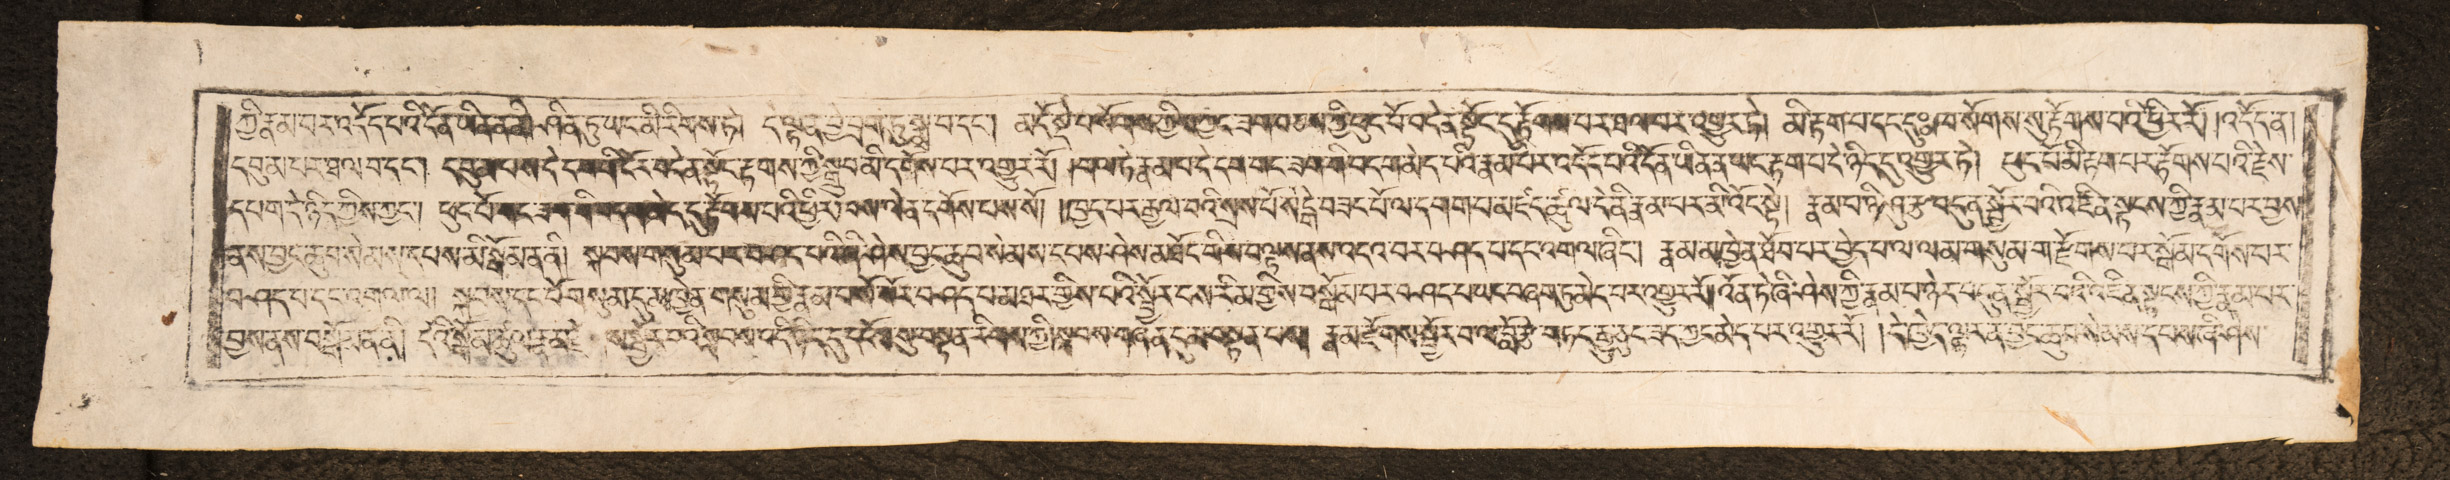ཀྱི་རྣམ་པར་འདོད་པའི་དོན་ཡིན་ན་ནི། ཤིན་ཏུ་ཡང་མི་རིགས་ཏེ། དེ་ལྟ་ན་བྱེ་བྲག་ཏུ་སྨྲ་བ་དང་། མདོ་སྡེ་པ་སོགས་ཀྱིས་ཀྱང་ཟག་བཅས་ཀྱི་ཕུང་པོ་བདེན་སྟོང་དུ་རྟོགས་པར་ཐལ་བར་འགྱུར་ཏེ། མི་རྟག་པ་དང་དུཿ ཁ་སོགས་སུ་རྟོགས་པའི་ཕྱིར་རོ། །འདོད་ན།
དབུ་མ་པར་ཐལ་བ་དང་། དབུ་མ་པས་དེ་དག་གི་ངོར་བདེན་སྟོང་རྟགས་ཀྱི་སྒྲུབ་མི་དགོས་པར་འགྱུར་རོ། །གལ་ཏེ་རྣམ་པ་དེ་དག་གང་ཟག་གི་བདག་མེད་པའི་རྣམ་པར་འདོད་པའི་དོན་ཡིན་ན་ཡང་རྟག་པ་དེ་ཉིད་དུ་འགྱུར་ཏེ། ཕུང་པོ་མི་རྟག་པར་རྟོགས་པའི་རྗེས་
དཔག་དེ་ཉིད་ཀྱིས་ཀྱང་། ཕུང་པོ་གང་ཟག་གི་བདག་མེད་དུ་རྟོགས་པའི་ཕྱིར་ཁས་ལེན་དགོས་པས་སོ། །ཁྱད་པར་རྒྱལ་བའི་སྲས་པོ་སེངྒེ་བཟང་པོ་ལ་དགག་པ་མཛད་ཚུལ་དེ་ནི་རྣམ་པར་མི་འོང་སྟེ། རྣམ་པ་ཉི་ཤུ་རྩ་བདུན་སྦྱོར་བའི་འཛིན་སྟངས་ཀྱི་རྣམ་པར་བྱས་
ནས་བྱང་ཆུབ་སེམས་དཔས་མི་སྒོམ་ན་ནི། སྐབས་གསུམ་པར་བཤད་པའི་ཞི་ཤེས་བྱང་ཆུབ་སེམས་དཔས་ཤེས་མཐོང་གིས་བལྟས་ནས་འདའ་བར་བཤད་པ་དང་འགལ་ཞིང་། རྣམ་མཁྱེན་ཐོབ་པར་བྱེད་པ་ལ་ལམ་གསུམ་ག་རྫོགས་པར་སྒོམ་དགོས་པར་
བཤད་པ་དང་འགལ་ལ། སྐབས་དང་པོ་གསུམ་དུ་མཁྱེན་གསུམ་གྱི་རྣམ་པ་སོ་སོར་བཤད་པ་མཐར་གྱིས་པའི་སྦྱོར་བས་རིམ་གྱིས་བསྒོམ་པར་བཤད་པ་ཡང་བཞག་ཏུ་མེད་པར་འགྱུར་རོ། །འོན་ཏེ་ཞི་ཤེས་ཀྱི་རྣམ་པ་ཉེར་བདུན་སྦྱོར་བའི་འཛིན་སྟངས་ཀྱི་རྣམ་པར་
བྱས་ནས་བསྒོམ་ན་ནི། དེའི་སྒོམ་ཚུལ་རྣམ་རྫོགས་སྦྱོར་བའི་སྐབས་འདི་ཉིད་དུ་དངོས་སུ་བསྟན་རིགས་ཀྱི། སྐབས་གཞན་དུ་མ་བསྟན་པས། རྣམ་རྫོགས་སྦྱོར་བ་ལ་བློ་རྩེ་གཏང་རྒྱུ་ཅུང་ཟད་ཀྱང་མེད་པར་འགྱུར་རོ། །དེ་ཁྱེད་ལྟར་ན་བྱང་ཆུབ་སེམས་དཔས་ཞི་ཤེས་